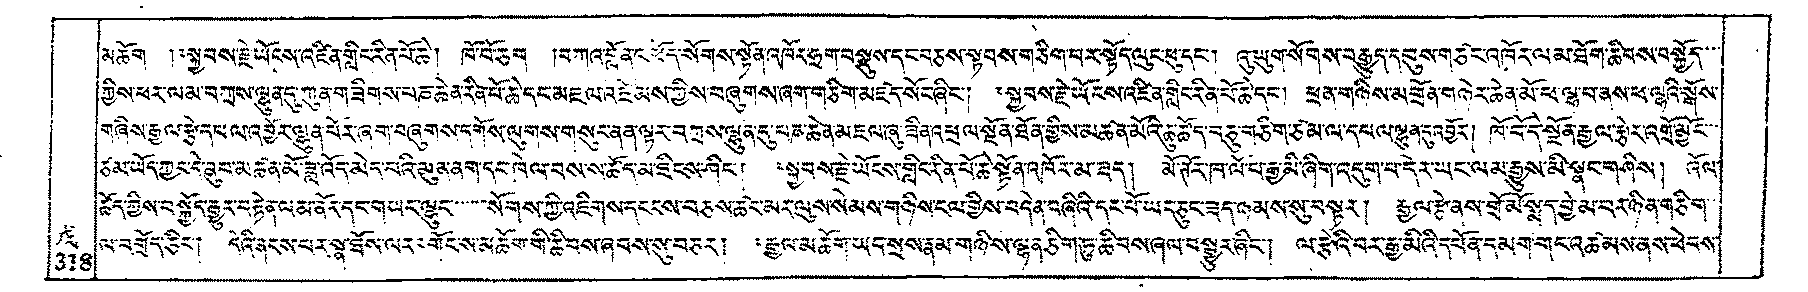མཆོག །༧སྐྱབས་རྗེ་ཡོངས་འཛིན་གླིང་རིན་པོ་ཆེ། ཁོ་བོ་ཅག །བཀའ་བློ་ནང་ཕོད་སོགས་སྟོན་འཁོར་ཧྲག་བསྡུས་དང་བཅས་སྟབས་གཅིག་པར་སྟོད་ལུང་ཕུ་དང་། འུ་ཡུག་སོགས་བརྒྱུད་དབུས་གཙང་འཁོར་ལམ་ཐོག་ཆིབས་བསྐྱོད་
ཀྱིས་ཕར་ལམ་བཀྲས་ལྷུན་དུ་ཀུན་གཟིགས་པཎ་ཆེན་རིན་པོ་ཆེ་དང་མཇལ་འཛོམས་ཀྱིས་བཞུགས་ཞག་གཅིག་མཛད་སོང་ཞིང་། ༧སྐྱབས་རྗེ་ཡོངས་འཛིན་གླིང་རིན་པོ་ཆེ་དང་། ཕྲན་གཉིས་མགྲོན་གཉེར་ཆེན་མོ་ཕ་ལྷ་བ་ནས་ཕ་ལྷའི་སྒོས་
་གཞིས་ར་ཡལ་རྩེ་དཔལ་འབྱོར་ལྷུན་པོར་ཞག་བཞུགས་དགོས་ལུགས་གསུང་ནན་ལྟར་བཀྲས་ལྷུན་དུ་པཎ་ཆེན་མཇལ་ཞུ་ཟིན་འཕྲལ་སྔོན་ཐོན་གྱིས་མཚན་མོའི་ཆུ་ཚོད་བཅུ་གཅིག་ཙམ་ལ་དཔལ་ལྷུན་དུ་འབྱོར། ཁོ་བོ་དེ་སྔོན་རྒྱལ་རྩེར་འགྲོ་མྱོང་
་ཙམ་ཡོད་ཀྱང་དེ་ནུབ་མཚན་མ་ཟླ་འོད་མེད་པའི་མུན་ནག་དང་ཁེལ་བ་ས་ཚོད་མ་ཐིངས་ཤིང་། ༧སྐྱབས་རྗེ་ཡོངས་གླིང་རིན་པོ་ཆེ་སྟོན་འཁོར་མ་ཟད། མོ་ཊོར་ཁ་ལོ་པ་རྒྱ་མི་ཞིག་འདུག་པ་དེར་ཡང་ལམ་རྒྱུས་མི་སྣང་གཤིས། འོལ་
ཚོད་ཀྱིས་བསྐྱོད་རྒྱུར་བརྟེན་ལམ་ནོར་དང་གཡང་ལྷུང་སོགས་ཀྱི་འཇིགས་དངངས་བཅས་ཚང་མར་ལུས་སེམས་གཉིས་ངལ་གྱིས་བདེན་བཞིའི་དང་པོ་ཡང་ཅུང་ཟད་ཉམས་སུ་བཏར། རྒྱལ་རྩེ་ནས་གྲོ་མོ་སྨད་བྱེ་མ་བར་ཉིན་གཅིག་
ལ་བགྲོད་ཅིང་། དེའི་ནངས་པར་སྣ་ཐོས་ལར་༧གོང་ས་མཆོག་གི་ཆིབས་ཞབས་སུ་བཅར། ༧རྒྱལ་མཆོག་ཡབ་སྲས་རྣམ་གཉིས་ལྷན་ཅིག་ཏུ་ཆིབས་ཞལ་བསྒྱུར་ཞིང་། ལ་རྩེའི་བར་རྒྱ་མིའི་དཔོན་དམག་གང་འཚམས་ནས་ཕེབས་